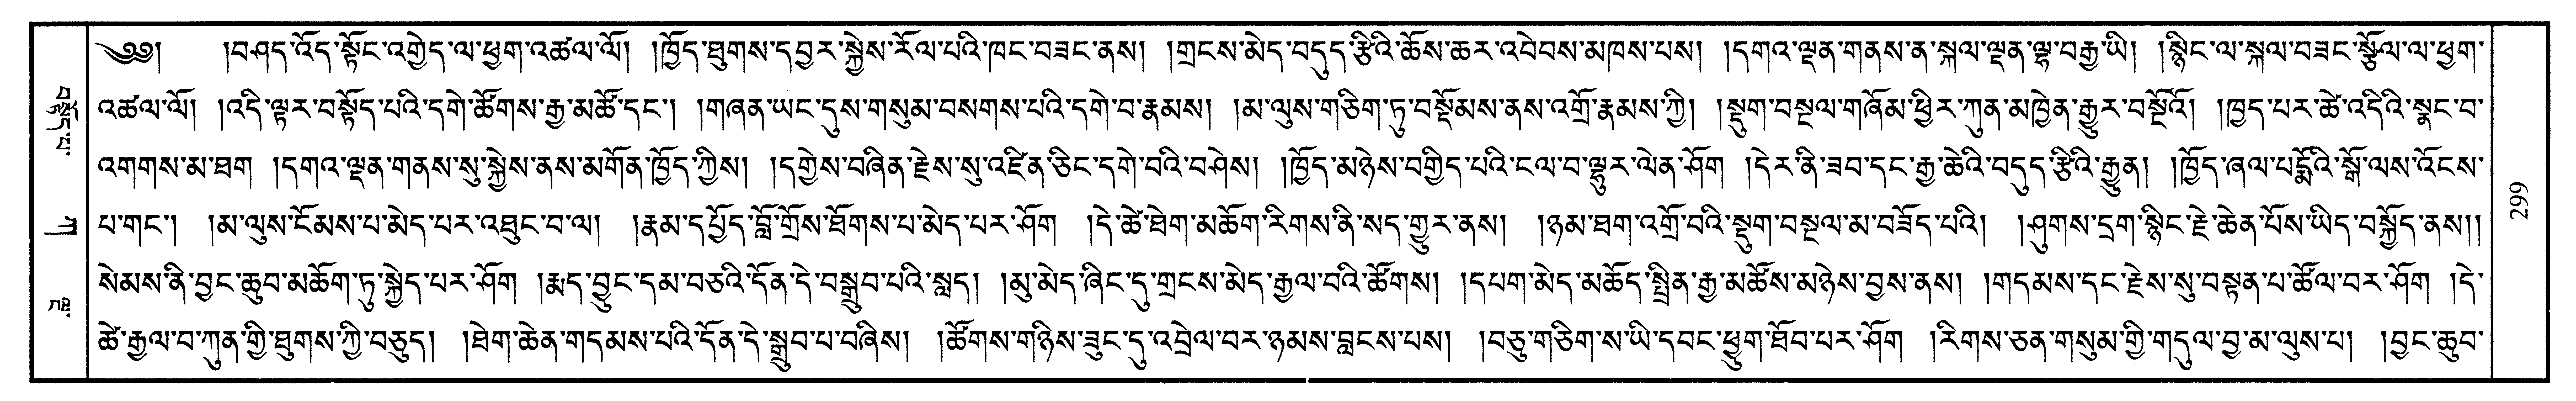༄༅། །བཤད་འོད་སྟོང་འགྱེད་ལ་ཕྱག་འཚལ་ལོ། །ཁྱོད་ཐུགས་དབྱར་སྐྱེས་རོལ་པའི་ཁང་བཟང་ནས། །གྲངས་མེད་བདུད་རྩིའི་ཆོས་ཆར་འབེབས་མཁས་པས། །དགའ་ལྡན་གནས་ན་སྐལ་ལྡན་ལྷ་བརྒྱ་ཡི། །སྙིང་ལ་སྐལ་བཟང་སྩོལ་ལ་ཕྱག་
འཚལ་ལོ། །འདི་ལྟར་བསྟོད་པའི་དགེ་ཚོགས་རྒྱ་མཚོ་དང་། །གཞན་ཡང་དུས་གསུམ་བསགས་པའི་དགེ་བ་རྣམས། །མ་ལུས་གཅིག་ཏུ་བསྡོམས་ནས་འགྲོ་རྣམས་ཀྱི། །སྡུག་བསྔལ་གཞོམ་ཕྱིར་ཀུན་མཁྱེན་རྒྱུར་བསྔོའོ། །ཁྱད་པར་ཚེ་འདིའི་སྣང་བ་
འགགས་མ་ཐག །དགའ་ལྡན་གནས་སུ་སྐྱེས་ནས་མགོན་ཁྱོད་ཀྱིས། །དགྱེས་བཞིན་རྗེས་སུ་འཛིན་ཅིང་དགེ་བའི་བཤེས། །ཁྱོད་མཉེས་བགྱིད་པའི་ངལ་བ་ལྷུར་ལེན་ཤོག །དེར་ནི་ཟབ་དང་རྒྱ་ཆེའི་བདུད་རྩིའི་རྒྱུན། །ཁྱོད་ཞལ་པདམོའི་སྒོ་ལས་འོངས་
པ་གང་། །མ་ལུས་ངོམས་པ་མེད་པར་འཐུང་བ་ལ། །རྣམ་དཔྱོད་བློ་གྲོས་ཐོགས་པ་མེད་པར་ཤོག །དེ་ཚེ་ཐེག་མཆོག་རིགས་ནི་སད་གྱུར་ནས། །ཉམ་ཐག་འགྲོ་བའི་སྡུག་བསྔལ་མ་བཟོད་པའི། །ཤུགས་དྲག་སྙིང་རྗེ་ཆེན་པོས་ཡིད་བསྐྱོད་ནས།།
སེམས་ནི་བྱང་ཆུབ་མཆོག་ཏུ་སྐྱེད་པར་ཤོག །རྨད་བྱུང་དམ་བཅའི་དོན་དེ་བསྒྲུབ་པའི་སླད། །མུ་མེད་ཞིང་དུ་གྲངས་མེད་རྒྱལ་བའི་ཚོགས། །དཔག་མེད་མཆོད་སྤྲིན་རྒྱ་མཚོས་མཉེས་བྱས་ནས། །གདམས་དང་རྗེས་སུ་བསྟན་པ་ཚོལ་བར་ཤོག །དེ་
ཚེ་རྒྱལ་བ་ཀུན་གྱི་ཐུགས་ཀྱི་བཅུད། །ཐེག་ཆེན་གདམས་པའི་དོན་དེ་སྒྲུབ་པ་བཞིས། །ཚོགས་གཉིས་ཟུང་དུ་འབྲེལ་བར་ཉམས་བླངས་པས། །བཅུ་གཅིག་ས་ཡི་དབང་ཕྱུག་ཐོབ་པར་ཤོག །རིགས་ཅན་གསུམ་གྱི་གདུལ་བྱ་མ་ལུས་པ། །བྱང་ཆུབ་